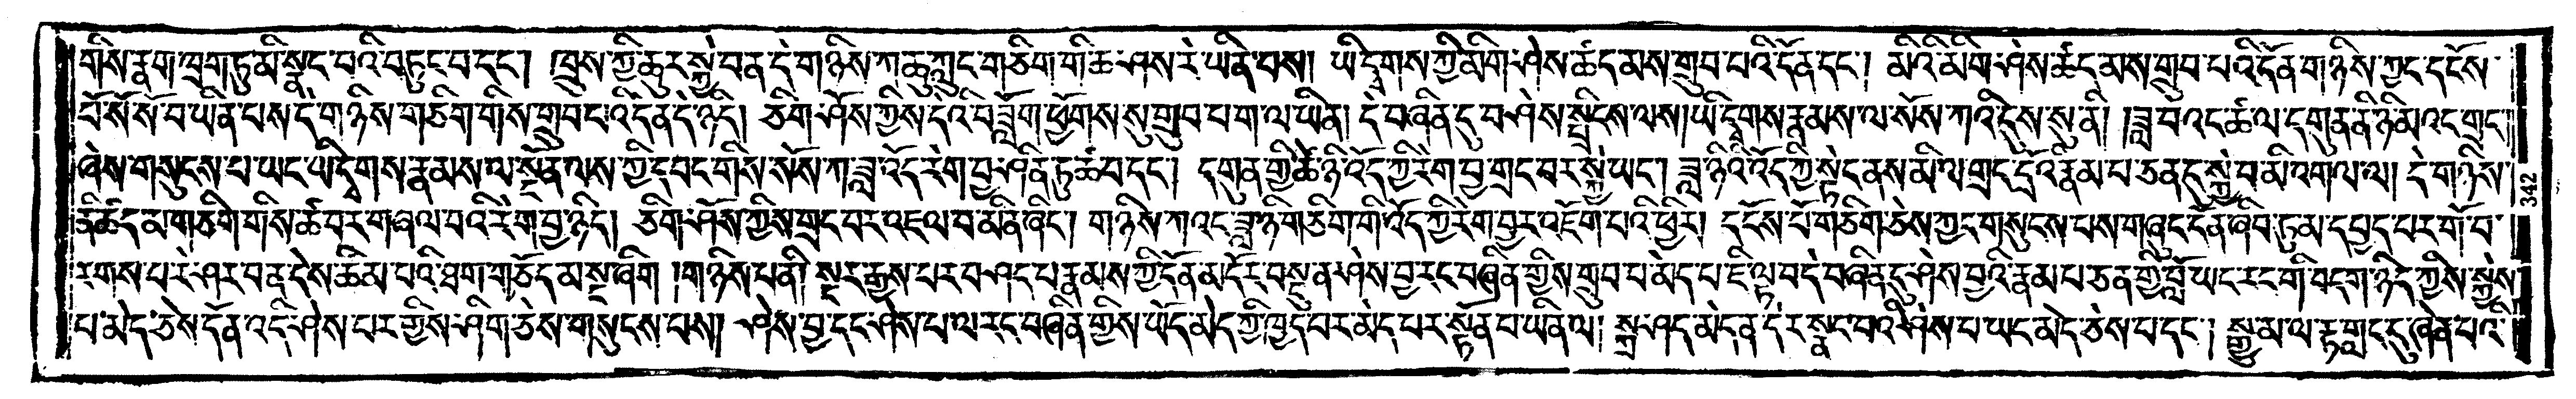གིས་རྣག་ཁྲག་ཏུ་མི་སྣང་བའི་བཏུང་བ་དང་། ཁྲུས་ཀྱི་ཆུར་སྐྱེ་བ་ན་དེ་གཉིས་ཀ་ཆུ་ཀླུང་གཅིག་གི་ཆ་ཤས་རེ་ཡིན་པས། ཡི་དྭགས་ཀྱི་མིག་ཤེས་ཚད་མས་གྲུབ་པའི་དོན་དང་། མིའི་མིག་ཤེས་ཚད་མས་གྲུབ་པའི་དོན་གཉིས་ཀྱང་དངོས་
པོ་སོ་སོ་བ་ཡིན་པས་དེ་གཉིས་གཅིག་གིས་གྲུབ་པའི་དོན་དེ་ཉིད། ཅིག་ཤོས་ཀྱིས་དེའི་བཟློག་ཕྱོགས་སུ་གྲུབ་པ་ག་ལ་ཡིན། དེ་བཞིན་དུ་བཤེས་སྤྲིངས་ལས། ཡི་དྭགས་རྣམས་ལ་སོས་ཀའི་དུས་སུ་ནི། །ཟླ་བའང་ཚ་ལ་དགུན་ནི་ཉི་མའང་གྲང་།
ཞེས་གསུངས་པ་ཡང་ཡི་དྭགས་རྣམས་ལ་སྔོན་ལས་ཀྱི་དབང་གིས་སོས་ཀ་ཟླ་འོད་རེག་བྱ་ཤིན་ཏུ་ཚ་བ་དང་། དགུན་གྱི་ཚེ་ཉི་འོད་ཀྱི་རེག་བྱ་གྲང་བར་སྐྱེ་ཡང་། ཟླ་ཉིའི་འོད་ཀྱི་སྟེང་ནས་མི་ལ་གྲང་དྲོའི་རྣམ་པ་ཅན་དུ་སྐྱེ་བ་མི་འགལ་ལ། དེ་གཉིས་
ནི་ཚད་མ་གཅིག་གིས་ཚ་བར་གཞལ་བའི་རེག་བྱ་ཉིད། ཅིག་ཤོས་ཀྱིས་གྲང་བར་འཇལ་བ་མིན་ཞིང་། གཉིས་ཀའང་ཟླ་ཉི་གཅིག་གི་འོད་ཀྱི་རེག་བྱར་འཇོག་པའི་ཕྱིར། དངོས་པོ་གཅིག་ཅེས་ཀྱང་གསུངས་པས་གཞུང་དོན་ཞིབ་ཏུ་མ་དཔྱད་པར་གོ་བ་
རགས་པ་རེ་ཤར་བ་ན་དེས་ཚིམ་པའི་ཐག་གཅོད་མ་སྔ་ཞིག །གཉིས་པ་ནི། སྔར་རྒྱས་པར་བཤད་པ་རྣམས་ཀྱི་དོན་མདོར་བསྡུ་ན་ཤེས་བྱ་རང་བཞིན་གྱིས་གྲུབ་པ་མེད་པ་ཇི་ལྟ་བ་དེ་བཞིན་དུ་ཤེས་བྱའི་རྣམ་པ་ཅན་གྱི་བློ་ཡང་རང་གི་བདག་ཉིད་ཀྱིས་སྐྱེས་
པ་མེད་ཅེས་དོན་འདི་ཤེས་པར་གྱིས་ཤིང་གཅེས་གསུངས་པས། ཤེས་བྱ་དང་ཤེས་པ་ལ་རང་བཞིན་གྱིས་ཡོད་མེད་ཀྱི་ཁྱད་པར་མེད་པར་སྟོན་པ་ཡིན་ལ། སྐྲ་ཤད་མེད་ན་དེར་སྣང་བའི་ཤེས་པ་ཡང་མེད་ཅེས་པ་དང་། སྒྱུ་མ་ལ་རྟ་གླང་དུ་ཞེན་པའི་